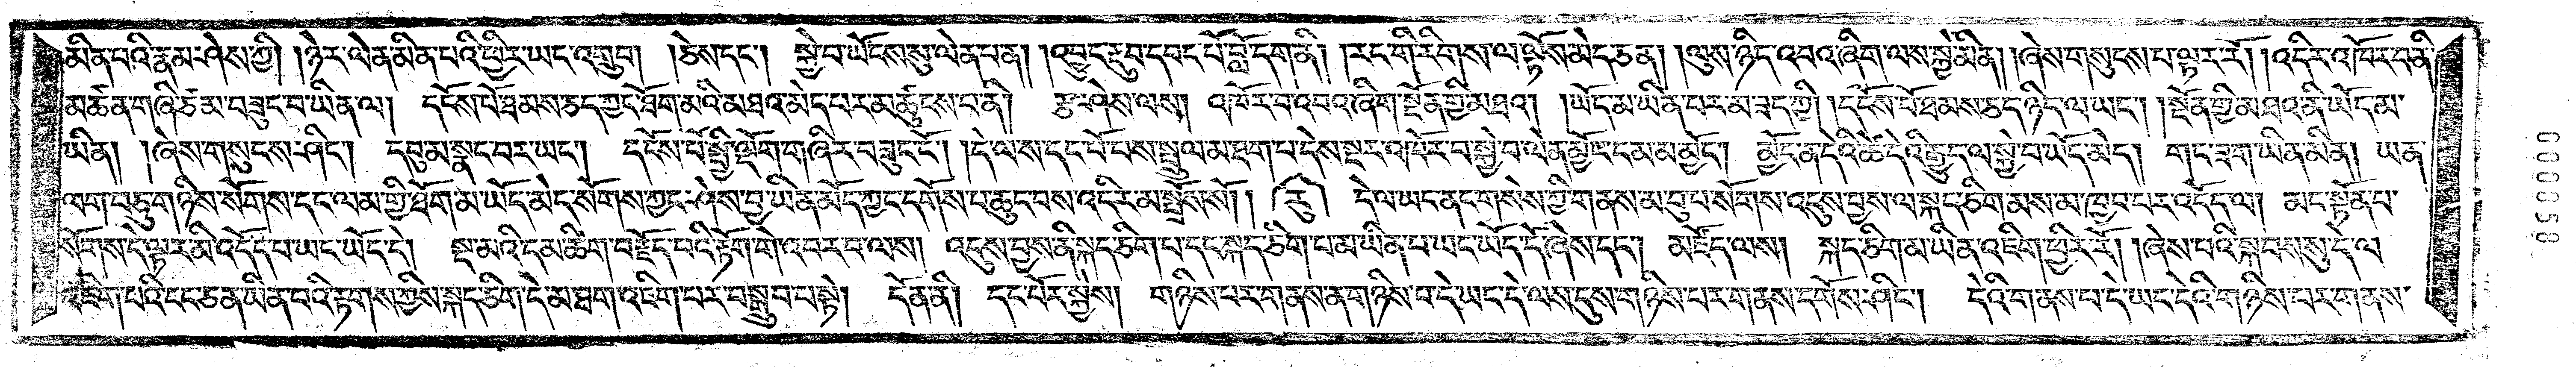མིན་པའི་རྣམ་ཤེས་ཀྱི། །ཉེར་ལེན་མིན་པའི་ཕྱིར་ཡང་འགྲུབ། །ཅེས་དང་། སྐྱེ་བ་ཡོངས་སུ་ལེན་པ་ན། །འབྱུང་རྔུབ་དབང་པོ་བློ་དག་ནི། །རང་གི་རིགས་ལ་ལྟོས་མེད་ཅན། །ལུས་ཉིད་འབའ་ཞིག་ལས་སྐྱེ་མིན། །ཞེས་གསུངས་པ་ལྟར་རོ། །འདིར་འཁོར་བ་ནི་
མཚན་གཞི་ཙམ་བཟུང་བ་ཡིན་ལ། དངོས་པོ་ཐམས་ཅད་ཀྱང་ཐོག་མའི་མཐའ་མེད་པར་མཚུངས་པ་ནི། རྩ་ཤེས་ལས། འཁོར་བ་འབའ་ཞིག་སྔོན་གྱི་མཐའ། །ཡོད་མ་ཡིན་པར་མ་ཟད་ཀྱི། །དངོས་པོ་ཐམས་ཅད་ཉིད་ལ་ཡང་། །སྔོན་གྱི་མཐའ་ནི་ཡོད་མ་
ཡིན། །ཞེས་གསུངས་ཤིང་། དབུ་མ་སྣང་བ་ཡང་། དངོས་པོ་སྤྱི་ལྡོག་གཞིར་བཟུང་ངོ། །དེ་ལ་ས་དང་པོ་བས་སྤྲུལ་མ་ཐག་པ་དེས་སྔར་འཁོར་བ་སྐྱེ་བ་ལེན་མྱོང་ངམ་མ་མྱོང་། མྱོང་ན་དེའི་ཚེ་དེའི་རྒྱུད་ལ་སྐྱེ་བ་ཡོད་མེད། གང་ཟག་ཡིན་མིན། ཡན་
ལག་བཅུ་གཉིས་སོགས་དང་ལམ་གྱི་ཐོག་མ་ཡོད་མེད་སོགས་ཀྱང་ཤེས་བྱ་ཡིན་མོད་ཀྱང་དགོས་པ་ཆུང་བས་འདིར་མ་སྤྲོས་སོ།། ༼རུ༽ དེ་ལ་ཡང་ནང་གསེས་ཀྱི་གནས་མ་བུ་པ་སོགས་འདུས་བྱས་ལ་སྐད་ཅིག་མས་མ་ཁྱབ་པར་འདོད་ལ། མང་སྟོན་པ་
སོགས་དེ་ལྟར་མི་འདོད་པ་ཡང་ཡོད་དེ། སྔ་མའི་དམ་ཚིག་བརྗོད་པའི་རྟོག་གེ་འབར་བ་ལས། འདུས་བྱས་ནི་སྐད་ཅིག་པ་དང་སྐད་ཅིག་པ་མ་ཡིན་པ་ཡང་ཡོད་དོ་ཞེས་དང་། མཛོད་ལས། སྐད་ཅིག་མ་ཡིན་འཇིག་ཕྱིར་རོ། །ཞེས་པའི་སྐབས་སུ་དེ་ལ་
འཇིག་པའི་ངང་ཅན་ཡིན་པའི་རྟགས་ཀྱིས་སྐད་ཅིག་དེ་མ་ཐག་འཇིག་པར་བསྒྲུབ་པ་སྟེ། དོན་ནི། དང་པོར་སྐྱེས། གཉིས་པར་གནས་ན་གཉིས་པ་དེ་ཡང་དེ་ལས་དུས་གཉིས་པར་གནས་དགོས་ཤིང་། དེའི་གནས་པ་དེ་ཡང་དེའི་གཉིས་པར་གནས་